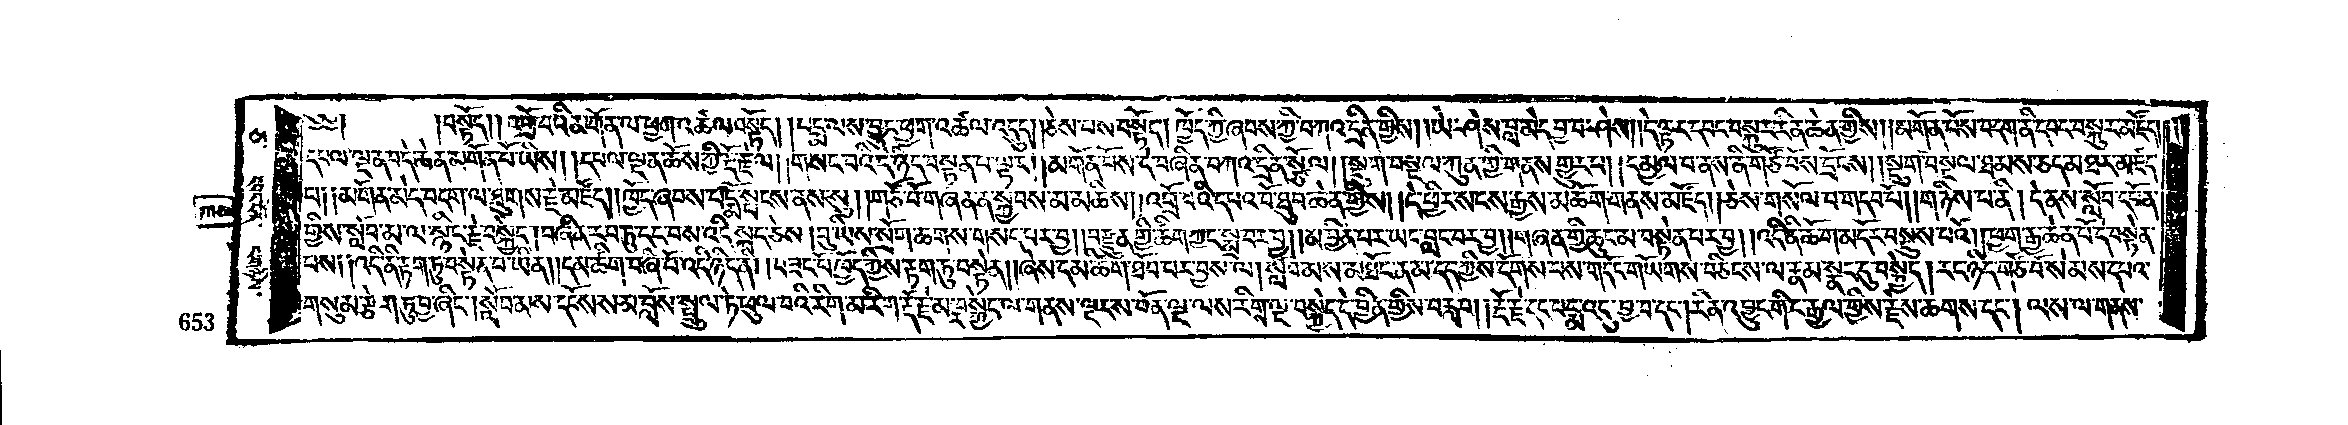༄༅། །བསྟོད། །འགྲོ་བའི་མགོན་ལ་ཕྱག་འཚལ་བསྟོད། །པདམ་ལས་བྱུང་ཕྱག་འཚལ་འདུད། །ཅེས་པས་བསྟོད། ཁྱོད་ཀྱི་ཞབས་ཀྱི་བཀའ་དྲིན་གྱིས། །ཡེ་ཤེས་བླ་མེད་བྱ་བ་ཤེས། །དེ་ལྟར་དབང་བསྐུར་རིན་ཆེན་གྱིས། །མགོན་པོས་བདག་ནི་དབང་བསྐུར་མཛོད། །
དཔལ་ལྡན་བདེ་ཆེན་མགོན་པོ་ཡིས། །དཔལ་ལྡན་ཆོས་ཀྱི་རྡོ་རྗེ་ལ། །གསང་བའི་དེ་ཉིད་བསྟན་པ་ལྟར། །མགོན་པོས་དེ་བཞིན་བཀའ་དྲིན་སྩོལ། །སྡུག་བསྔལ་ཀུན་གྱི་གནས་གྱུར་པ། །དམྱལ་བ་ནས་ནི་གཙོ་བོས་དྲོངས། །སྡུག་བསྔལ་ཐམས་ཅད་མཐར་མཛད་
པ༑ ༑མགོན་མེད་བདག་ལ་ཐུགས་རྗེ་མཛོད། །ཁྱོད་ཞབས་པདམོ་སྤངས་ནས་སུ། །གཙོ་བོ་གཞན་ན་སྐྱབས་མ་མཆིས། །འགྲོ་བའི་དཔའ་བོ་ཐུབ་ཆེན་གྱིས། །དེ་ཕྱིར་སངས་རྒྱས་མཆོག་གནས་མཛོད། །ཅེས་གསོལ་བ་གདབ་པོ། །གཉིས་པ་ནི། དེ་ནས་སློབ་དཔོན་
གྱིས་སློབ་མ་ལ་སྙིང་རྗེ་བསྐྱེད། བཞིན་རབ་ཏུ་དང་བས་འདི་སྐད་ཅེས། བུ་ཡིས་སྲོག་ཆགས་གསད་པར་བྱ། །བརྫུན་གྱི་ཚིག་ཀྱང་སྨྲ་བར་བྱ། །མ་བྱིན་པར་ཡང་བླང་བར་བྱ། །གཞན་གྱི་ཆུང་མ་བསྟེན་པར་བྱ། །འདི་ནི་ཆོ་ག་མདོར་བསྡུས་པའོ། །ཕྱག་རྒྱ་ཆེན་པོ་དེ་བསྟེན་
པས༑ ༑འདི་ནི་རྟག་ཏུ་བསྟེན་པ་ཡིན། །དམ་ཚིག་བཞི་པོ་འདི་ཉིད་ནི། །བཟང་པོ་ཁྱོད་ཀྱིས་རྟག་ཏུ་བསྟེན། །ཞེས་དམ་ཚིག་ཐོབ་པར་བྱས་ལ། སློབ་མས་མཐོང་ན་མ་དད་ཀྱིས་དོགས་པས་གདོང་གཡོགས་བཅིངས་ལ་རྣམ་སྣང་དུ་བསྐྱེད། རང་ཉིད་གཙོ་བོ་སེམས་དཔའ་
གསུམ་རྩེག་ཏུ་བྱ་ཞིང་། སློབ་མས་དངོས་སམ་བློས་སྤྲུལ་ཏེ་ཕུལ་བའི་རིག་མ་རག་རྡོ་རྗེ་མར་བསྐྱེད་ལ་གནས་ལྔར་ས་བོན་ལྔ་ལས་རིགས་ལྔ་བསྐྱེད་དེ་བྱིན་གྱིས་བརླབ། །རྡོ་རྗེ་དང་པདམ་འདུ་བྱ་བ་དང་། རིན་འབྱུང་གི་ང་རྒྱལ་གྱིས་རྗེས་ཆགས་དང་། ལས་ལ་གནས་